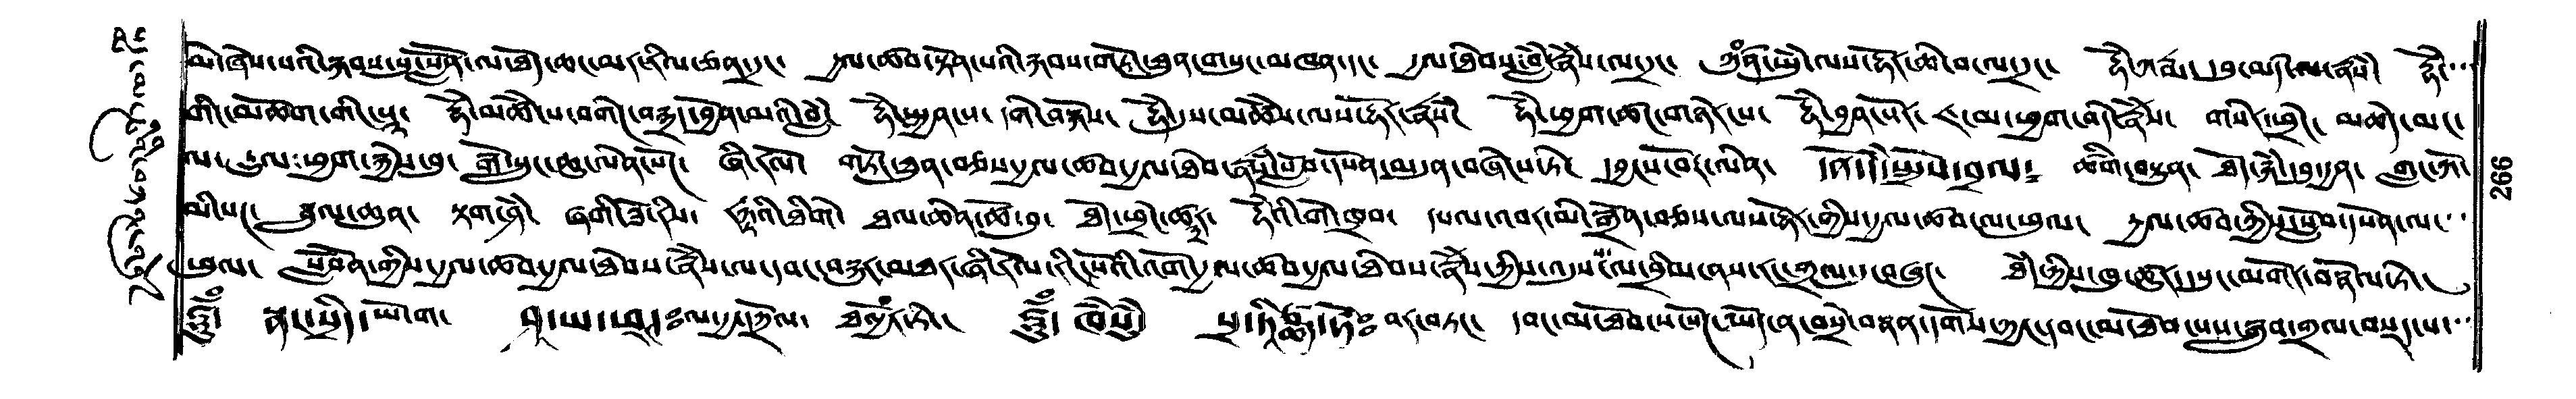མེ་ཞེས་པའི་སྐབས་སུ་སློབ་དཔོན་ལ་ཐོད་ཆང་མར་རིལ་ཅན་དྲང་། རྒྱལ་ཚབ་སྟོན་པའི༴ སྐབས་གཏོང་ཐུན་གསུང་མཁན་དང་རྒྱལ་ཐེབས་བླ་མ་རྣམས་ལ་དྲང་། ཀུན་བཟང་ཡུམ༴ ལས་རྡོར་ཆེ་བ་ལ་དྲང་། རྡོ་རྗེ་ཀརྨ༴ དབུ་མཛད་རྣམས། རྡོ་རྗེ་
གིང་མཆོག༴ གིང་པ་གཉིས། རྡོ་རྗེ་མཚམས་པ་བགེགས་བསྐྲད་བྱོན་མའི་བླ་མ། རྡོ་རྗེ་སྤྱན་པ༴ དགེ་བསྐོས། རྡོ་རྗེ་དུས་མཚམས་ལས་རྡོར་རྣམས། རྡོ་རྗེ་ཕྱག་ཚང༴ གཉེར་པ། རྡོ་རྗེ་བྱན་པོར༴ ཇ་མ་ཕྱག་བདེ་རྣམས། གསེར་ཕྲེང༴ མཆེད་མང་
ལ། རྡུལ་ཕྱག་སྐྱེས་བུ༴ སྒོ་སྲུང་ཆུ་ལེན་སོགས། ཞི་རོལ་གཏོང་ཐུན་བཅས་རྒྱལ་ཚབ་རྒྱལ་ཐེབས་རྣམས་སློབ་དཔོན་མདུན་བཞེངས་ཏེ་དབྱངས་བོར་ལེན། དོན་དམ་སྤྲོས་བྲལ༴ ཚིག་བསྟུན། ཐོད་སྐམ་དབུ་རྒྱན། གླང་ཀོ་
མི་ལྤགས། སྦྲུལ་ཆུན། སྟག་ཤམ། ཞག་གི་ཟོ་རིས། རཀྟའི་ཐིག་ལེ། ཐལ་ཆེན་ཚོམ་བུ། ཐོད་ཕྲེང་ཚར་གསུམ། རྡོ་རྗེའི་གོ་ཁྲབ། དཔལ་འབར་མེ་སྒྲོན་བཅས་ལས་རྡོར་གྱིས་རྒྱལ་ཚབ་ལ་ཕུལ། རྒྱལ་ཚབ་ཀྱིས་སློབ་དཔོན་ལ་
ཕུལ། སློབ་དཔོན་གྱིས་རྒྱལ་ཚབ་རྒྱལ་ཐེབས་རྣམས་ལ་དབང་བསྐུར་མཐར། ཞི་རོལ་རིང་པོའི་འོག་རྒྱལ་ཚབ་རྒྱལ་ཐེབས་རྣམས་ཀྱིས་འདུས་པ་ལ་བྲིམ་ནས་རང་གྲལ་དུ་བཞུགས།ཐམས་ཅད་ཀྱིས་ཁུ་ཚུར་དཔུང་མགོར་བསྣོལ་ཏེ། 
ཧཱུྃ༔ སྣང་སྲིད༴ ཡོ་ག ཤཱ་ཡ་ཕཊཿ ལ་རྒྱ་དགྲོལ། ཐལ་མོ་སྦྱར་ཏེ། ཧཱུྃ༔ ཁམས་སུམ༴ པྲ་ཏཱིཙྪ་ཧོཿ བར་གཏང་། དབང་མ་ཐོབ་པ་སོགས་ཡོད་ན་བསྲེ་བསྣན་དགོས་ཀྱང་དབང་མ་ཐོབ་པས་སྒྲུབ་གྲལ་བསྡད་པར་